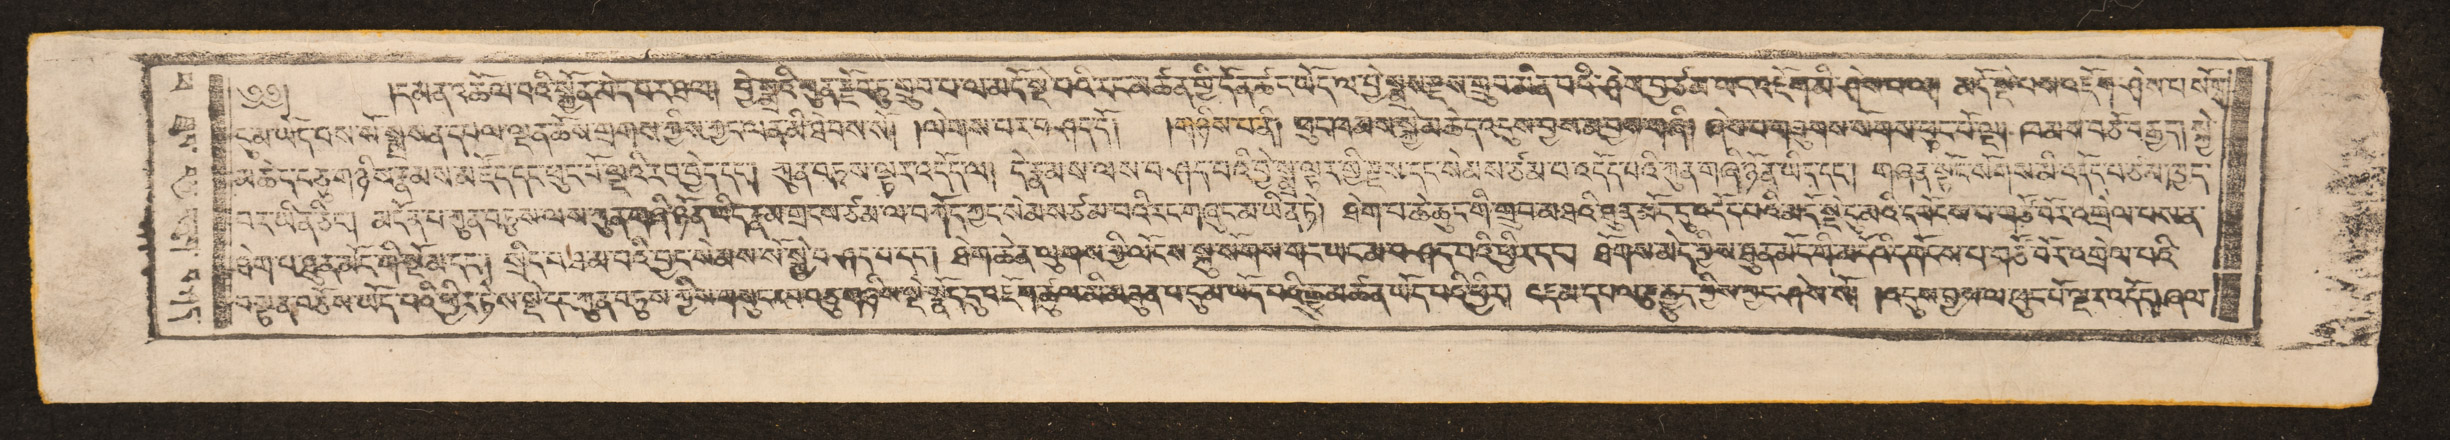༄༅། །དམན་འཆོལ་བའི་སྐྱོན་མེད་པར་ཐལ། བྱེ་སྨྲའི་ཀུན་རྫོབ་ཏུ་གྲུབ་པ་ལ་མདོ་སྡེ་བའི་རང་མཚན་གྱི་དོན་ཚང་ཡོད་ལ་བྱེ་སྨྲས་རྫས་གྲུབ་མིན་པའི་ཤེས་བྱ་ཙམ་ཡང་འཇོག་མི་ཤེས་པ་ལ། མདོ་སྡེ་པས་འཇོག་ཤེས་པ་སོགས་
དུ་མ་ཡོད་པ་སོ་སོ་སྨྲས་ན་དཔལ་ལྡན་ཆོས་གྲགས་ཀྱིས་ཀྱང་ལན་མི་ཐེབས་སོ། །ལེགས་བར་བཤད་དོ། །གཉིས་པ་ནི། ཕུང་ཁམས་སྐྱེ་མཆེད་འདུས་བྱས་མ་བྱས་གཞི། ཞེས་པ་གཟུགས་སོགས་ཕུང་པོ་ལྔ། ཁམས་བཅོ་བརྒྱད། སྐྱེ་
མཆེད་བཅུ་གཉིས་རྣམས་མཛོད་དང་ཕུང་པོ་ལྔའི་རབ་བྱེད་དང་། ཀུན་བཏུས་ལྟར་འདོད་ལ། དེ་རྣམས་ལས་བཤད་པའི་བྱེ་སྨྲ་ལྟར་གྱི་རྫས་དང་སེམས་ཙམ་པ་འདོད་པའི་ཀུན་གཞི་ཉོན་ཡིད་དང་། གཞན་སྟོང་སོགས་མི་འདོད་བ་ཙམ་ཁྱད་
པར་ཡིན་ཅིང་། མངོན་པ་ཀུན་བཏུས་ལས་ཀུན་གཞི་ཉོན་ཡིད་རྣམ་གྲངས་ཙམ་ལ་བཀོད་ཀྱང་སེམས་ཙམ་པའི་རང་གཞུང་མ་ཡིན་ཏེ། ཐེག་པ་ཆེ་ཆུང་གི་གྲུབ་མཐའི་ཐུན་མོང་དུ་འདོད་པའི་མདོ་སྡེ་དུ་མའི་དགོངས་པ་གཙོ་བོར་འགྲེལ་པས་ན་
ཐེག་པ་ཐུན་མོང་གི་སྡོམ་དང་། སྲིད་པ་ཐམ་པའི་བྱང་སེམས་སོ་སྐྱེ་བཤད་པ་དང་། ཐེག་ཆེན་ལུགས་ཀྱི་ལོངས་སྐུ་སོགས་གང་ཡང་མ་བཤད་པའི་ཕྱིར་དང་། ཐོགས་མེད་ཀྱིས་ཐུན་མོང་གི་མདོའི་དགོངས་པ་གཙོ་བོར་འགྲེལ་པའི་
བསྟན་བཅོས་ཡོད་པའི་ཕྱིར་ཏེས་སྔ་དང་ཀུན་བཏུས་གྱིས་གསུང་རབ་བཅུ་གཉིས་སྡེ་སྣོད་དུ་འཇོག་ཚུལ་མི་མཐུན་པ་དུམ་ཡོད་པའི་རྒྱུ་མཚན་ཡོད་པའི་ཕྱིར། འཇམ་དཔལ་རྩ་རྒྱུད་ཀྱིས་ཀྱང་ཤེས་སོ། །འདུས་བྱས་ལ་ཕུང་པོ་ལྔར་འདོད། ཞལ་